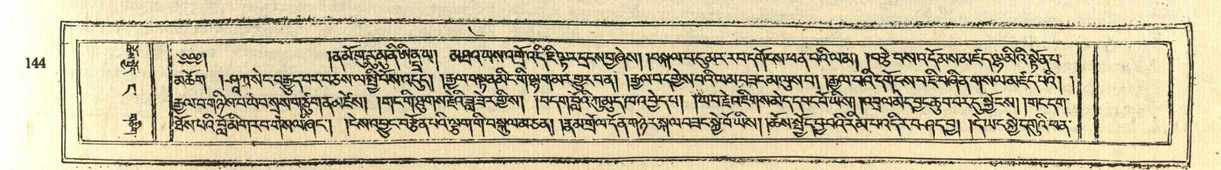༄༅༅། །ན་མོ་གུ་རུ་མུ་ནི་ཨིནྡྲ་ཡ། མཐའ་ཡས་འགྲོ་འདི་ཇི་ལྟར་དྲངས་བྱ་ཞེས། །བསྐལ་པ་དུ་མར་རབ་དགོངས་ཕན་པའི་ལམ། །བརྩེ་བས་འདོམས་མཛད་ལྷ་མིའི་སྟོན་པ་
མཆོག །ཤཱཀྱ་སེང་བརྒྱུད་པར་བཅས་ལ་སྤྱི་པོས་འདུད། །རྒྱལ་བསྟན་མིང་གི་ལྷག་མར་གྱུར་བ་ན། །རྒྱལ་བ་དགྱེས་པའི་ལམ་བཟང་མ་ལུས་པ། །རྒྱལ་བའི་དགོངས་པ་ཇི་བཞིན་གསལ་མཛད་པའི། །
རྒྱལ་བ་གཉིས་པ་ཡབ་སྲས་གཙུག་ན་མཛེས། །གང་གི་ཐུགས་རྗེའི་ཟླ་ཟེར་གྱིས། །བདག་བློའི་ཀུ་མུད་ཁ་འབྱེད་པ། །ཡབ་རྗེ་འཇིགས་མེད་དབང་པོ་ཡིས། །འབྲལ་མེད་བྱང་ཆུབ་བར་དུ་སྐྱོངས། །གང་དག་
ཐོས་པའི་བློ་མིག་རབ་གསལ་ཞིང་། །ངེས་འབྱུང་བརྩོན་པའི་ལྕག་གི་བསྐུལ་མ་ཅན། །རྣམ་གྲོལ་དོན་གཉེར་སྐལ་བཟང་སྐྱེ་བོ་ཡིས། །ཆོས་སྤྱོད་བྱ་བའི་རིམ་པ་འདིར་བཤད་བྱ། །དེ་ཡང་སྐྱེ་དགུའི་ཕན་